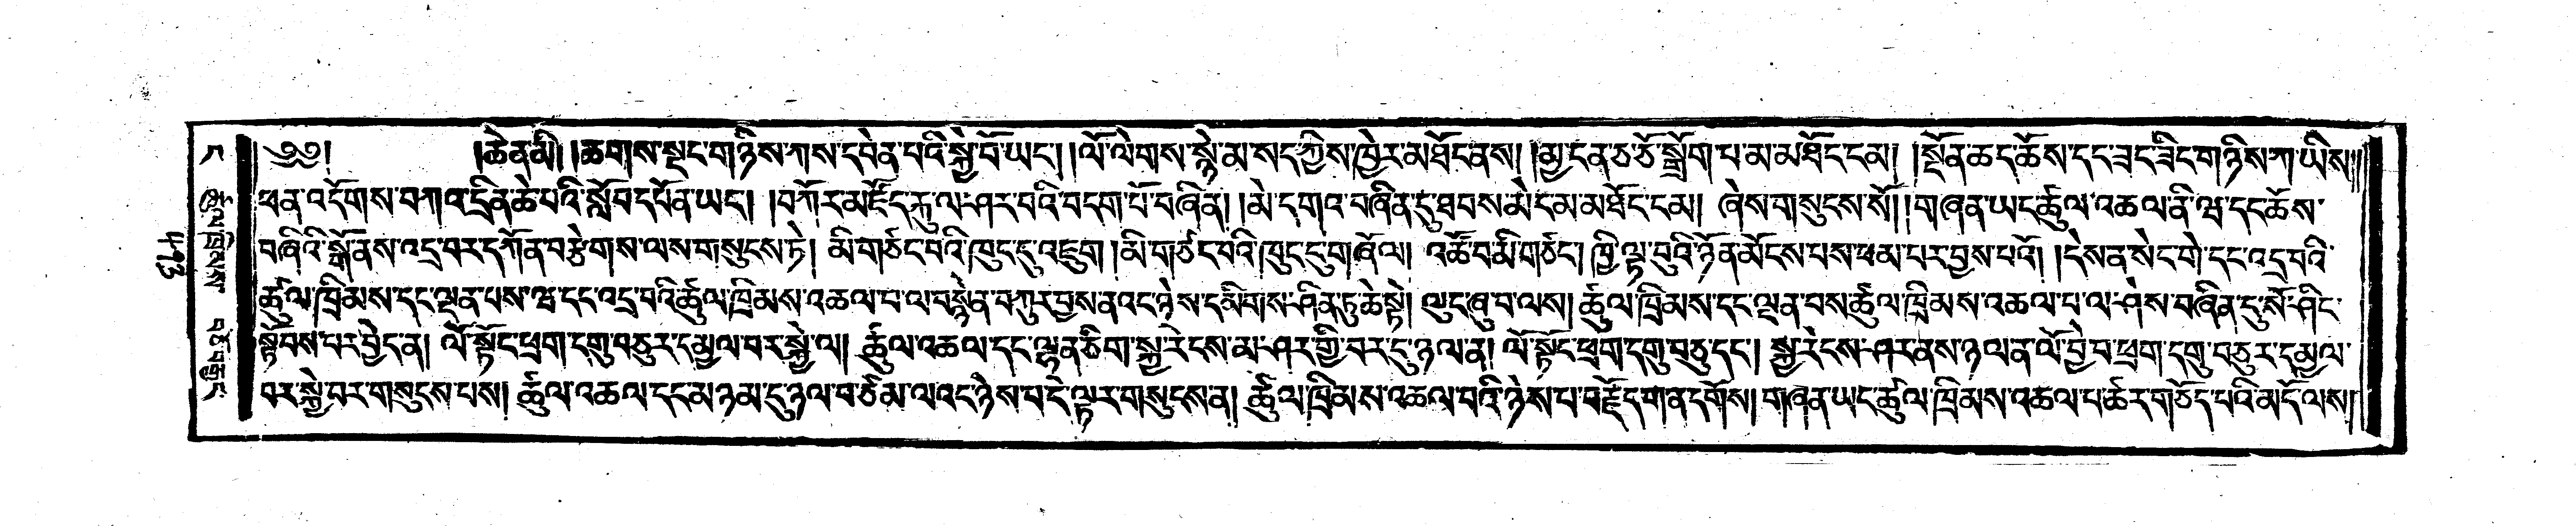༄༅། །ཆེན་མི། །ཆགས་སྡང་གཉིས་ཀ་ས་དབེན་པའི་སྐྱེ་བོ་ཡང་། །ལོ་ལེགས་སྙེ་མ་སད་ཀྱིས་ཁྱེར་མཐོང་ནས། །མྱ་ངན་ཅ་ཅོ་སྒྲོག་པ་མ་མཐོང་ངམ། །སྔོན་ཆད་ཆོས་དང་ཟང་ཟིང་གཉིས་ཀ་ཡིས།།
ཕན་འདོགས་བཀའ་དྲིན་ཆེ་བའི་སློབ་དཔོན་ཡང་། །བཀོར་མཛོད་རྐུ་ལ་ཤོར་བའི་བདག་པོ་བཞིན། །མི་དགའ་བཞིན་དུ་ཐབས་མེད་མ་མཐོང་ངམ། ཞེས་གསུངས་སོ། །གཞན་ཡང་ཚུལ་འཆལ་ནི་ཝ་དང་ཆོས་
བཞིའི་སྒོ་ནས་འདྲ་བར་དཀོན་བརྩེགས་ལས་གསུངས་ཏེ། མི་གཙང་བའི་ཁུང་དུ་འཇུག །མི་གཙང་བའི་ཁུང་དུ་གཞོལ། འཚོ་བ་མི་གཙང་། ཁྱི་ལྟ་བུའི་ཉོན་མོངས་པས་ཕམ་པར་བྱས་པའོ། །དེས་ན་སེང་གེ་དང་འདྲ་བའི་
ཚུལ་ཁྲིམས་དང་ལྡན་པས་ཝ་དང་འདྲ་བའི་ཚུལ་ཁྲིམས་འཆལ་བ་ལ་བསྙེན་བཀུར་བྱས་ནའང་ཉེས་དམིགས་ཤིན་ཏུ་ཆེ་སྟེ། ལུང་ཞུ་བ་ལས། ཚུལ་ཁྲིམས་དང་ལྡན་པས་ཚུལ་ཁྲིམས་འཆལ་བ་ལ་ཤེས་བཞིན་དུ་སོ་ཤིང་
སྟོབས་པར་བྱེད་ན། ལོ་སྟོང་ཕྲག་དགུ་བཅུར་དམྱལ་བར་སྐྱེ་ལ། ཚུལ་འཆལ་དང་ལྷན་ཅིག་སྐྱ་རེངས་མ་ཤར་གྱི་བར་དུ་ཉལ་ན། ལོ་སྟོང་ཕྲག་དགུ་བཅུ་དང་། སྐྱ་རེངས་ཤར་ནས་ཉལ་ན་ལོ་བྱེ་བ་ཕྲག་དགུ་བཅུར་དམྱལ་
བར་སྐྱེ་བར་གསུངས་པས། ཚུལ་འཆལ་དང་མཉམ་དུ་ཉལ་བ་ཙམ་ལའང་ཉེས་པ་དེ་ལྟར་གསུངས་ན། ཚུལ་ཁྲིམས་འཆལ་བའི་ཉེས་པ་བརྗོད་ག་ན་དགོས། གཞན་ཡང་ཚུལ་ཁྲིམས་འཆལ་བ་ཚར་གཅོད་པའི་མདོ་ལས།